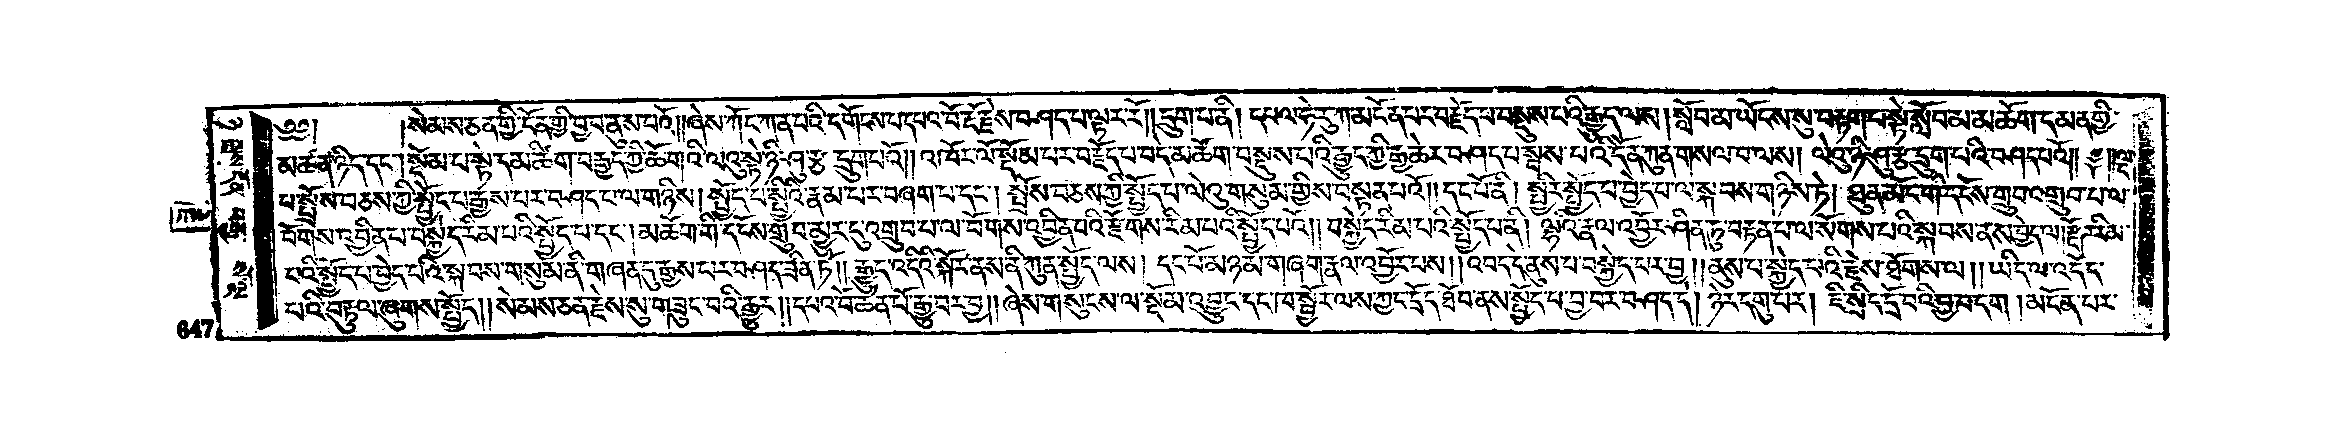༄༅། །སེམས་ཅན་གྱི་དོན་གྱི་བྱ་བ་ནུས་པའོ། །ཞེས་ཀོང་ཀ་ན་པའི་དགོངས་པ་དཔའ་བོ་རྡོ་རྗེས་བཤད་པ་ལྟར་རོ། །དྲུག་པ་ནི། དཔལ་ཧེ་རུ་ཀ་མངོན་པར་བརྗོད་པ་བསྡུས་པའི་རྒྱུད་ལས། སློབ་མ་ཡོངས་སུ་བརྟག་པ་སྟེ་སློབ་མ་མཆོག་དམན་གྱི་
མཚན་ཉིད་དང་། སྡོམ་པ་སྟེ་དམ་ཚིག་བརྒྱད་ཀྱི་ཆོ་གའི་ལེའུ་སྟེ་ཉི་ཤུ་རྩ་དྲུག་པའོ། །འཁོར་ལོ་སྡོམ་པར་བརྗོད་པ་བདེ་མཆོག་བསྡུས་པའི་རྒྱུད་ཀྱི་རྒྱ་ཆེར་བཤད་པ་སྦས་པའི་དོན་ཀུན་གསལ་བ་ལས། ལེའུ་ཉི་ཤུ་རྩ་དྲུག་པའི་བཤད་པའོ།། ༈ །།ལྔ་
པ་སྤྲོས་བཅས་ཀྱི་སྤྱོད་པ་རྒྱས་པར་བཤད་པ་ལ་གཉིས། སྤྱོད་པ་སྤྱིའི་རྣམ་པར་བཞག་པ་དང་། སྤྲོས་བཅས་ཀྱི་སྤྱོད་པ་ལེའུ་གསུམ་གྱིས་བསྟན་པའོ། །དང་པོ་ནི། སྤྱིར་སྤྱོད་པ་བྱེད་པ་ལ་སྐབས་གཉིས་ཏེ། ཐུན་མོང་གི་དངོས་འགྲུབ་པ་ལ་
བོགས་འབྱིན་པ་བསྐྱེད་རིམ་པའི་སྤྱོད་པ་དང་། མཆོག་གི་དངོས་གྲུབ་མྱུར་དུ་འགྲུབ་པ་ལ་བོགས་འབྱིན་པའི་རྫོགས་རིམ་པའི་སྤྱོད་པའོ། །བསྐྱེད་རིམ་པའི་སྤྱོད་པ་ནི། ལྷའི་རྣལ་འབྱོར་ཤིན་ཏུ་བརྟན་པ་ལ་སོགས་པའི་སྐབས་ནས་བྱེད་ལ། རྫོགས་རིམ་
པའི་སྤྱོད་པ་བྱེད་པའི་སྐབས་གསུམ་ནི་གཞན་དུ་རྒྱས་པར་བཤད་ཟིན་ཏོ། །རྒྱུད་འདིའི་སྐོར་ནས་ནི་ཀུན་སྤྱོད་ལས། དང་པོ་མཉམ་གཞག་རྣལ་འབྱོར་པས། །འབད་དེ་ནུས་པ་བསྐྱེད་པར་བྱ། །ནུས་པ་སྐྱེད་པའི་རྗེས་ཐོགས་ལ། །ཡིད་ལ་འདོད་
པའི་བརྟུལ་ཞུགས་སྤྱོད། །སེམས་ཅན་རྗེས་སུ་གཟུང་བའི་རྒྱུར། །དཔའ་བོ་ཆེན་པོ་རྒྱུ་བར་བྱ། །ཞེས་གསུངས་ལ་སྡོམ་འབྱུང་དང་ཁ་སྦྱོར་ལས་ཀྱང་དྲོད་ཐབ་ནས་སྤྱོད་པ་བྱ་བར་བཤད་དེ། ཉེར་དགུ་པར། ཇི་སྲིད་དྲོ་བའི་བྱ་བ་དག །མངོན་པར་